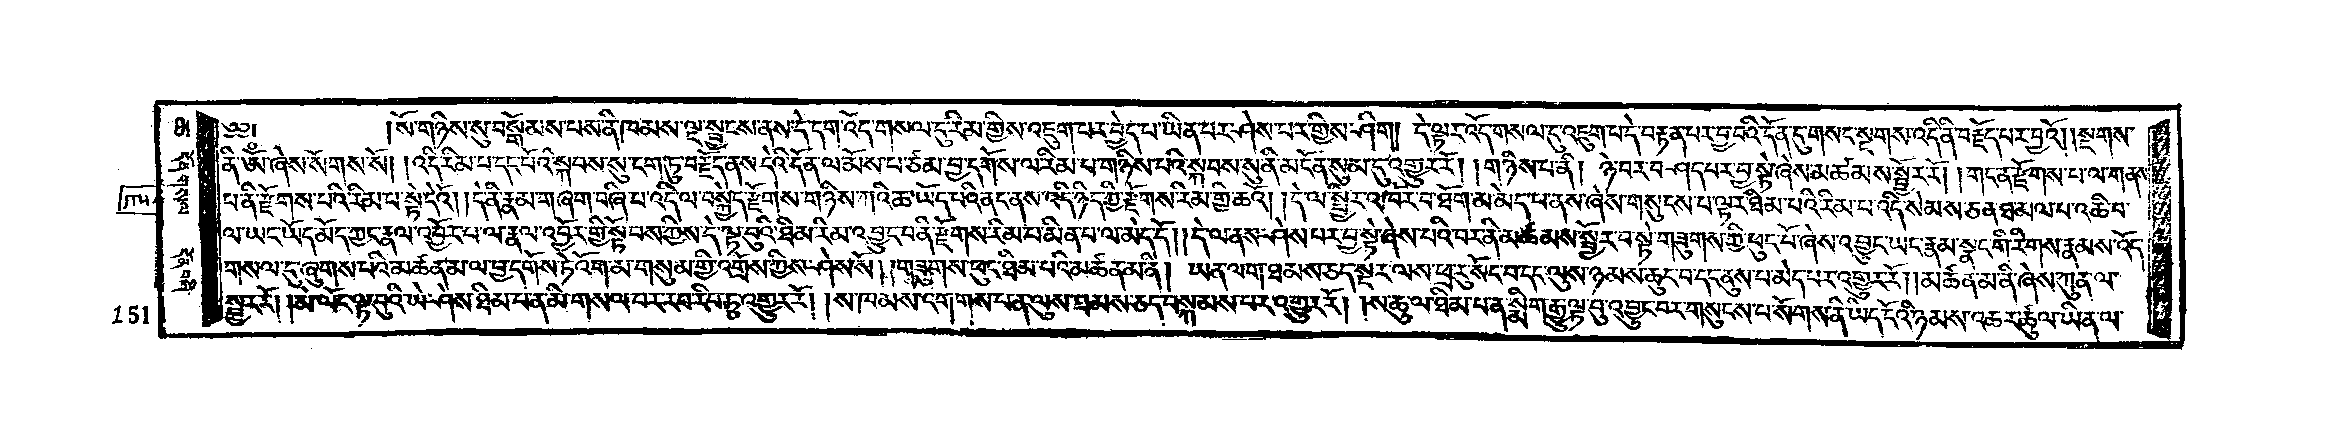༄༅། །སོ་གཉིས་སུ་བསྒོམས་པས་ནི་ཁམས་ལྔ་སྦྱངས་ནས་དེ་དག་འོད་གསལ་དུ་རིམ་གྱིས་འཇུག་པར་བྱེད་པ་ཡིན་པར་ཤེས་པར་གྱིས་ཤིག །དེ་ལྟར་འོད་གསལ་དུ་འཇུག་པ་དེ་བརྟེན་པར་བྱ་བའི་དོན་དུ་གསང་སྔགས་འདི་ནི་བརྗོད་པར་བྱའོ། །སྔགས་
ནི་ཨོཾ་ཞེས་སོགས་སོ། །འདི་རིམ་པ་དང་པོའི་སྐབས་སུ་དག་ཏུ་བརྗོད་ནས་དེའི་དོན་ལ་མོས་པ་ཙམ་བྱ་དགོས་ལ་རིམ་པ་གཉིས་པའི་སྐབས་སུ་ནི་མངོན་སུམ་དུ་འགྱུར་རོ། །གཉིས་པ་ནི། ཉེ་བར་བཤད་པར་བྱ་སྟེ་ཞེས་མཚམས་སྦྱོར་རོ། །གང་ན་རྫོགས་པ་ལ་གནས་
པ་ནི་རྫོགས་པའི་རིམ་པ་སྟེ་དེའོ། །དེ་ནི་རྣམ་གཞག་བཞི་པ་འདི་ལ་བསྐྱེད་རྫོགས་གཉིས་ཀའི་ཆ་ཡོད་པའི་ནང་ནས་འདི་ཉིད་ཀྱི་རྫོགས་རིམ་གྱི་ཆའོ། །དེ་ལ་སྤྱིར་འཁོར་བ་ཐོག་མ་མེད་པ་ནས་ཞེས་གསུངས་པ་ལྟར་ཐིམ་པའི་རིམ་པ་འདི་སེམས་ཅན་ཐ་མལ་པ་འཆི་བ་
ལ་ཡང་ཡོད་མོད་ཀྱང་རྣལ་འབྱོར་པ་ལ་རྣལ་འབྱོར་གྱི་སྟོབས་ཀྱིས་དེ་ལྟ་བུའི་ཐིམ་རིམ་འབྱུང་བ་ནི་རྫོགས་རིམ་པ་མིན་པ་ལ་མེད་དོ། །དེ་ལ་ནས་ཤེས་པར་བྱ་སྟེ་ཞེས་པའི་བར་ནི་མཚམས་སྦྱོར་བ་སྟེ་གཟུགས་ཀྱི་ཕུང་པོ་ཞེས་འབྱུང་ཡང་རྣམ་སྣང་གི་རིགས་རྣམས་འོད་
གསལ་དུ་ཞུགས་པའི་མཚན་མ་ལ་བྱ་དགོས་ཏེ་འོག་མ་གསུམ་གྱི་འགྲོས་ཀྱིས་ཤེས་སོ། །གཟུགས་ཕུང་ཐིམ་པའི་མཚན་མ་ནི། ཡན་ལག་ཐམས་ཅད་སྔར་ལས་ཕྲ་རུ་སོང་བ་དང་ལུས་ཉམས་ཆུང་བ་དང་ནུས་པ་མེད་པར་འགྱུར་རོ། །མཚན་མ་ནི་ཞེས་ཀུན་ལ་
སྦྱར་རོ། །མེ་ལོང་ལྟ་བུའི་ཡེ་ཤེས་ཐིམ་པ་ན་མི་གསལ་བར་རབ་རིབ་ཏུ་འགྱུར་རོ། །ས་ཁམས་འགགས་པ་ན་ལུས་ཐམས་ཅད་བསྐམས་པར་འགྱུར་རོ། །ས་ཆུ་ལ་ཐིམ་པ་ན་སྨིག་རྒྱུ་ལྟ་བུ་འབྱུང་བར་གསུངས་པ་སོགས་ནི་ཡིད་ངོའི་ཉམས་འཆར་ཚུལ་ཡིན་ལ་